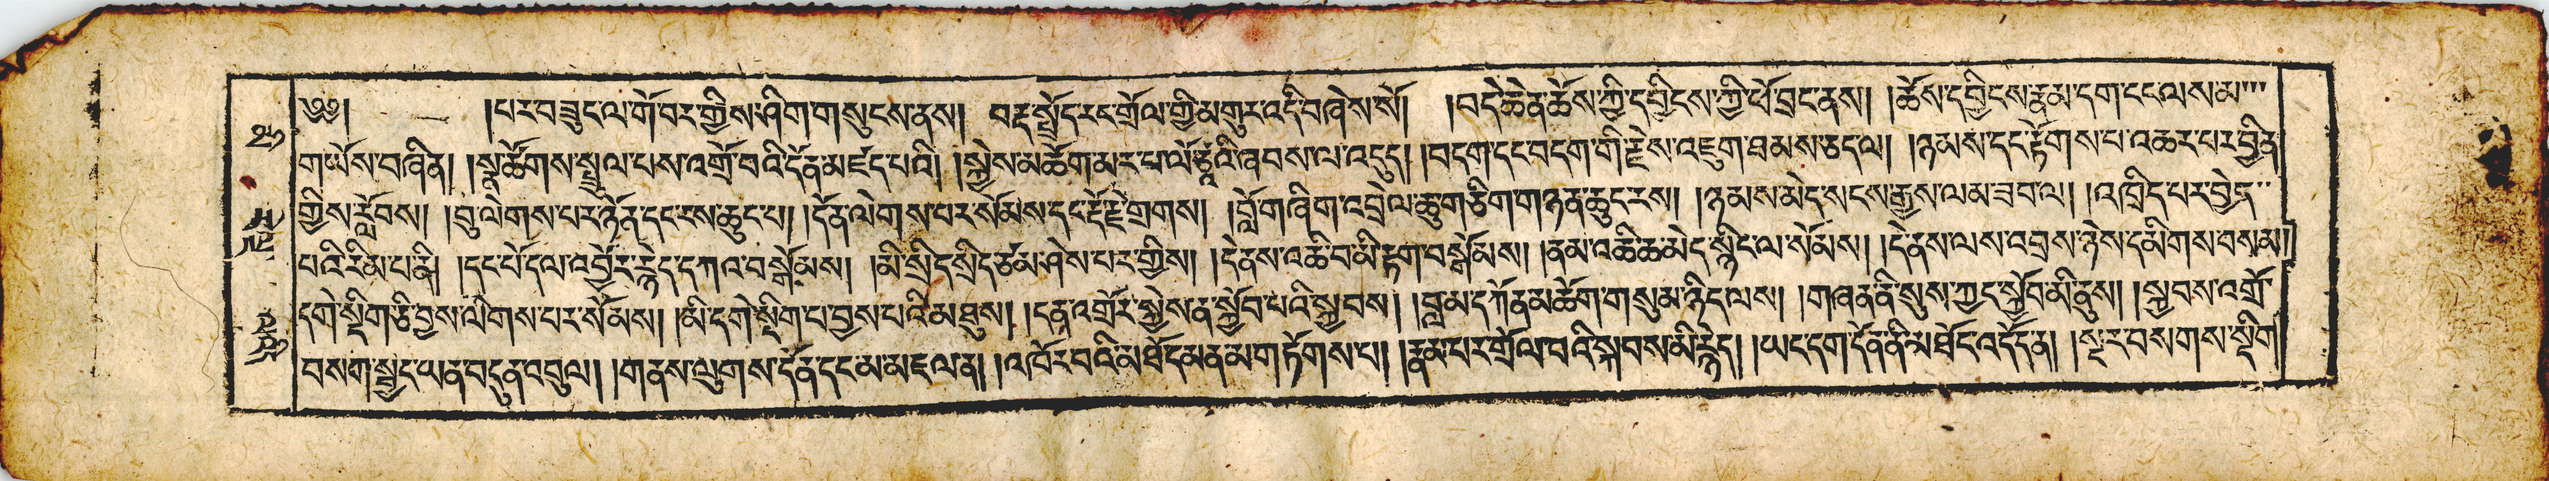པར་བཟུང་ལ་གོ་བར་གྱིས་ཤིག་གསུངས་ནས། བརྡ་སྤྲོད་རང་གྲོལ་གྱི་མགུར་འདི་བཞེས་སོ། །བདེ་ཆེན་ཆོས་ཀྱི་དབྱིངས་ཀྱི་ཕོ་བྲང་ནས། །ཆོས་དབྱིངས་རྣམ་དག་ངང་ལས་མ་
གཡོས་བཞིན། །སྣ་ཚོགས་སྤྲུལ་པས་འགྲོ་བའི་དོན་མཛད་པའི། །སྐྱེས་མཆོག་མར་པ་ལོ་ཙཱའི་ཞབས་ལ་འདུད། །བདག་དང་བདག་གི་རྗེས་འཇུག་ཐམས་ཅད་ལ། །ཉམས་དང་རྟོགས་པ་འཆར་བར་བྱིན་
གྱིས་རློབས། །བུ་ལེགས་པར་ཉོན་དང་རས་ཆུང་པ། །དོན་ལེགས་པར་སེམས་དང་རྡོ་རྗེ་གྲགས། །གློ་གཞིག་འབྲེལ་ཆུག་ཅིག་གཉན་ཆུང་རས། །ཉམས་མེད་སངས་རྒྱས་ལམ་ཟབ་ལ། །འཁྲིད་པར་བྱེད་
པའི་རིམ་པ་ནི། །དང་པོ་དལ་འབྱོར་རྙེད་དཀའ་བསྒོམས། །མི་སྲིད་སྲིད་ཙམ་ཤེས་པར་གྱིས། །དེ་ནས་འཆི་བ་མི་རྟག་བསྒོམས། །ནམ་འཆི་ཆ་མེད་སྙིང་ལ་སེམས། །དེ་ནས་ལས་འབྲས་ཉེས་དམིགས་བསམ། །
དགེ་སྡིག་ཅི་བྱས་ལེགས་པར་སེམས། །མི་དགེ་སྡིག་པ་བྱས་པའི་མཐུས། །ངན་འགྲོར་སྐྱེས་ན་སྐྱོབ་པའི་སྐྱབས། །བླ་མ་དཀོན་མཆོག་གསུམ་ཉིད་ལས། །གཞན་ནི་སུས་ཀྱང་སྐྱོབ་མི་ནུས། །སྐྱབས་འགྲོ་
བསག་སྦྱང་ལན་བདུན་འབུལ། །གནས་ལུགས་དོན་དང་མ་མཇལ་ན། །འཁོར་བའི་མཐོ་མན་མ་གཏོགས་པ། །རྣམ་པར་གྲོལ་བའི་སྐབས་མི་རྙེད། །ཡང་དག་དོན་ནི་མཐོང་འདོད་ན། །སྔར་བསགས་སྡིག་